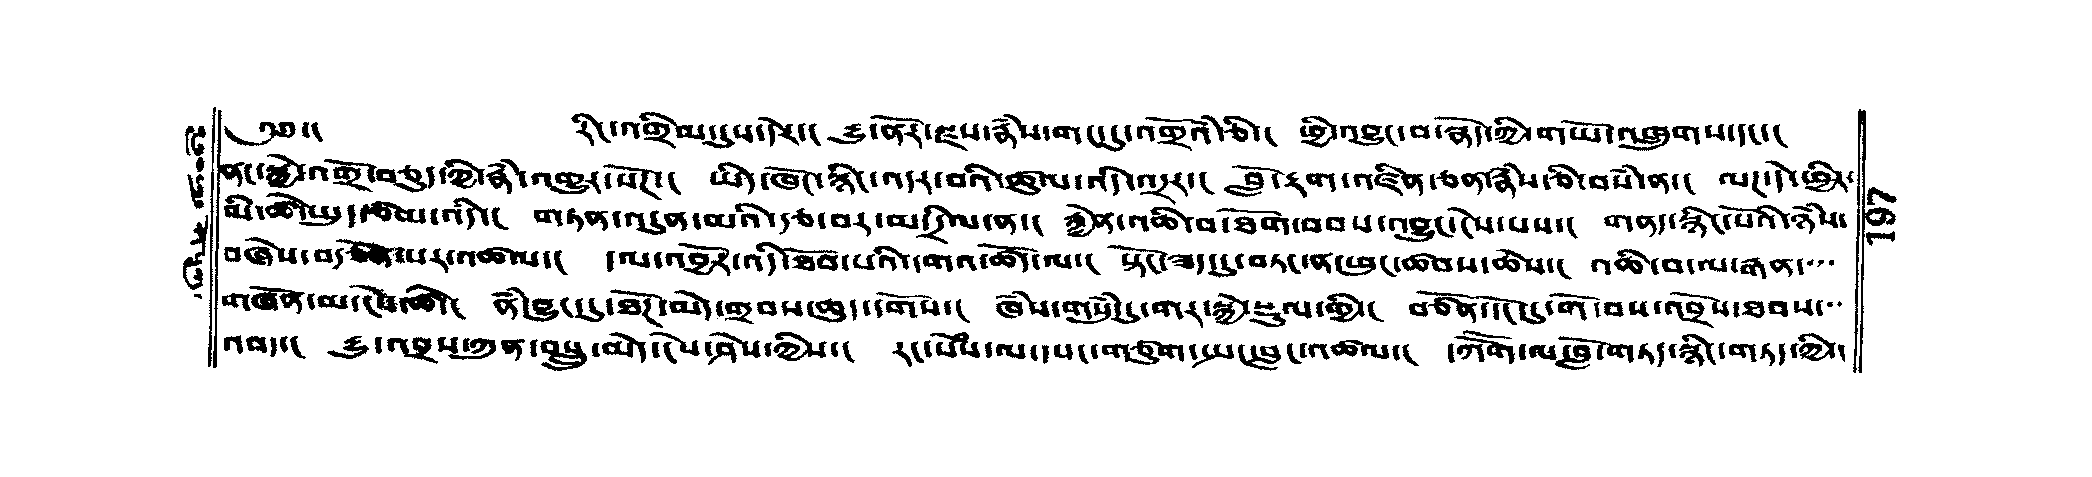རིང་འགྲིམ་དུས་དེར། །རྒྱུ་ནོར་རྫས་རྣམས་གང་དུ་འགྲོའམ་ཅི། །ཕྱི་འབྱུང་བ་སྣོད་ཀྱི་གཡོ་འཁྲུགས་དང་། །
ནང་སྐྱེ་འགྲོ་བཅུད་ཀྱི་རྣམ་འགྱུར་སོགས། །ཡིད་ཁོང་སྙིང་འདར་བའི་ཚུལ་འདི་འདྲར། །བློ་རྟག་འཛིན་ཅན་རྣམས་ཅི་བསམ་ན། །ལགས་དེ་ཕྱིར་
མི་ཚེ་ཡུད་ཙམ་འདི། །གཏན་འདུན་མའི་རྩ་བར་མ་དྲིལ་ན། །རྐྱེན་འཆི་བ་ཐོག་བབས་འབྱུང་ངེས་པས། །གནད་སྙིང་པོའི་ཉམས་བཞེས་
བརྩོན་པར་འཚལ། །དལ་འབྱོར་འདི་ཐོབ་པའི་དགའ་ཚོད་ལ། །སྟོང་ཟད་དུ་བཏང་ན་ཕུང་ཚབས་ཆེས། །འཆི་བ་ལ་རྒན་
གཞོན་མ་ངེས་ཚེ། །ནམ་བྱུང་དུ་ཐོགས་མེད་གྲབས་ཆུད་དགོས། །ཁམས་གསུམ་དུ་གར་སྐྱེ་སྡུག་བསྔལ་གྱི། །བརྩོན་དོང་དུ་གོ་བས་འབྲོས་ཐབས་
འབད། །རྒྱུ་འབྲས་ཀུན་བསླུ་མེད་ངེས་ཤེས་ཀྱིས། །རང་སེམས་ལ་དཔང་གཙུག་སྤང་བླང་འཚལ། །དཀོན་མཆོག་བློ་ལ་གཏད་སྙིང་གཏད་ཀྱི།